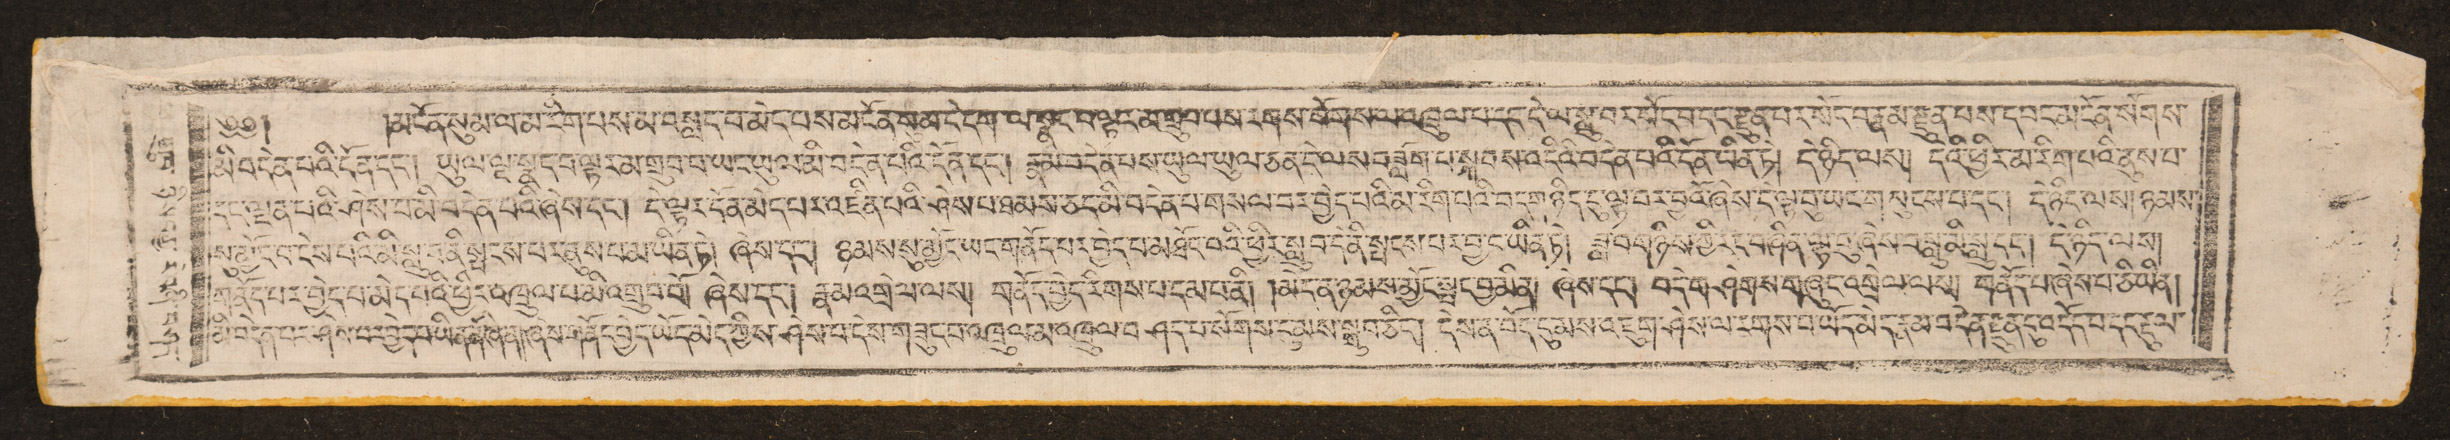༄༅། །མངོན་སུམ་ལ་མ་རིག་པས་མ་བསླད་པ་མེད་པས་མངོན་སུམ་དེ་དག་ལ་སྣང་བ་ལྟར་མ་གྲུབ་པས་རགས་སོགས་ལ་འཁྲུལ་བ་དང་དེ་ལ་སླུ་བར་སོང་བ་དང་རྫུན་པར་སོང་བ་རྣམ་རྫུན་པས་དབང་མངོན་སོགས་
མི་བདེན་པའི་དོན་དང་། ཡུལ་ལྔ་སྣང་བ་ལྟར་མ་གྲུབ་པ་ཡང་ཡུལ་མི་བདེན་པའི་དོན་དང་། རྣམ་བདེན་པས་ཡུལ་ཡུལ་ཅན་དེ་ལས་བཟློག་པ་སྐབས་འདིའི་བདེན་པའི་དོན་ཡིན་ཏེ། དེ་ཉིད་ལས། དེའི་ཕྱིར་མ་རིག་པའི་ནུས་པ་
དང་ལྡན་པའི་ཤེས་པ་མི་བདེན་པའི་ཞེས་དང་། དེ་ལྟར་དོན་མེད་པར་འཛིན་པའི་ཤེས་པ་ཐམས་ཅད་མི་བདེན་པ་གསལ་བར་བྱེད་པའི་མ་རིག་པའི་བདག་ཉིད་དུ་ལྟ་བར་བྱའོ་ཞེས་དེ་ལྟ་བུ་ཡང་གསུངས་པ་དང་། དེ་ཉིད་ལས། ཉམས་
སུ་མྱོང་བ་ངེས་པའི་མི་སླུ་བ་ནི་སྤངས་པར་ནུས་པ་མ་ཡིན་ཏེ། ཞེས་དང་། ཉམས་སུ་མྱོང་ཡང་གནོད་པར་བྱེད་པ་མཐོང་བའི་ཕྱིར་སླུ་བ་དེ་ནི་སྤངས་པར་བྱ་བ་ཡིན་ཏེ། ཟླ་བ་གཉིས་ཀྱི་རང་བཞིན་ལྟ་བུ་ཞེས་བསླུ་མི་སླུ་དང་། དེ་ཉིད་ལས།
གནོད་པར་བྱེད་པ་མེད་པའི་ཕྱིར་འཁྲུལ་པ་མི་འགྲུབ་བོ། ཞེས་དང་། རྣམ་འགྲེལ་ལས། གནོད་བྱེད་རིགས་པ་དམ་པ་ནི། །མེད་ན་ཉམས་མྱོང་སྤང་བྱ་མིན། ཞེས་དང་། བདེ་གཤེགས་གཞུང་འགྲེལ་ལས། གནོད་པ་ཞེས་པ་ཅི་ཡིན།
མི་བདེན་པར་ཤེས་པར་བྱེད་པ་ཡིན་ནོ་ཞེ་ན། ཞེས་གནོད་བྱེད་ཡོད་མེད་ཀྱིས་ཤེས་པ་དེས་གཟུང་བ་འཁྲུལ་མ་འཁྲུལ་བཤད་པ་སོགས་དུ་མས་སྒྲུབ་ཅིང་། དེས་ན་བོད་དུ་མས་འཇུག་ཤེས་ལ་རགས་པ་ཡོད་མེད་རྣམ་བདེན་རྫུན་དུ་འདོད་པ་དང་རྡུལ་